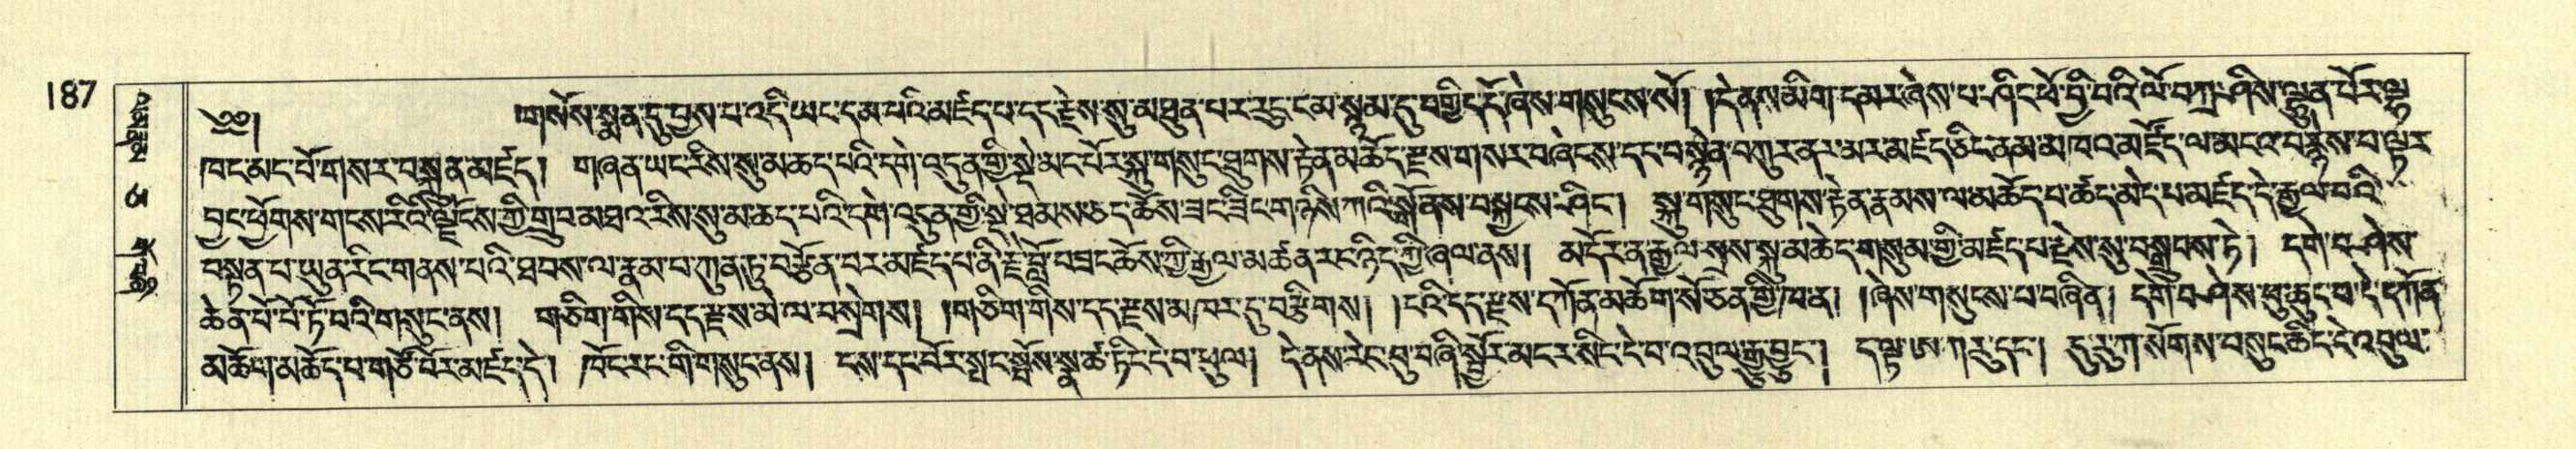༄༅། །གསོས་སྨན་དུ་བྱས་པ་འདི་ཡང་དམ་པའི་མཛད་པ་དང་རྗེས་སུ་མཐུན་པར་རུང་ངམ་སྙམ་དུ་བགྱིད་དོ་ཞེས་གསུངས་སོ། །དེ་ནས་མིག་དམར་ཞེས་པ་ཤིང་ཕོ་བྱི་བའི་ལོ་བཀྲ་ཤིས་ལྷུན་པོར་ལྷ་
ཁང་མང་པོ་གསར་བསྐྲུན་མཛད། གཞན་ཡང་རིས་སུ་མ་ཆད་པའི་དགེ་འདུན་གྱི་སྡེ་མང་པོར་སྐུ་གསུང་ཐུགས་རྟེན་མཆོད་རྫས་གསར་བཞེངས་དང་བསྙེན་བཀུར་ནར་མར་མཛད་ཅིང་ནམ་མཁའ་མཛོད་ལ་མངའ་བརྙེས་པ་ལྟར་
བྱང་ཕྱོགས་གངས་རིའི་ལྗོངས་ཀྱི་གྲུབ་མཐའ་རིས་སུ་མ་ཆད་པའི་དགེ་འདུན་གྱི་སྡེ་ཐམས་ཅད་ཆོས་ཟང་ཟིང་གཉིས་ཀའི་སྒོ་ནས་བསྐྱངས་ཤིང་། སྐུ་གསུང་ཐུགས་རྟེན་རྣམས་ལ་མཆོད་པ་ཚད་མེད་པ་མཛད་དེ་རྒྱལ་བའི་
བསྟན་པ་ཡུན་རིང་གནས་པའི་ཐབས་ལ་རྣམ་པ་ཀུན་ཏུ་བརྩོན་པར་མཛད་པ་ནི་རྗེ་བློ་བཟང་ཆོས་ཀྱི་རྒྱལ་མཚན་རང་ཉིད་ཀྱི་ཞལ་ནས། མདོར་ན་རྒྱལ་སྲས་སྐུ་མཆེད་གསུམ་གྱི་མཛད་པ་རྗེས་སུ་བསྒྲུབས་ཏེ། དགེ་བཤེས་
ཆེན་པོ་པོ་ཏོ་པའི་གསུང་ནས། གཅིག་གིས་དད་རྫས་མེ་ལ་བསྲེགས། །གཅིག་གིས་དད་རྫས་མཁར་དུ་བརྩིགས། །ངའི་དད་རྫས་དཀོན་མཆོག་སོ་ཅན་གྱི་ཁ་ན། །ཞེས་གསུངས་པ་བཞིན། དགེ་བཤེས་ཕུ་ཆུང་བ་དེ་དཀོན་
མཆོག་མཆོད་པ་གཙོ་བོར་མཛད་དེ། ཁོང་རང་གི་གསུང་ནས། ངས་དང་པོར་སྤང་སྤོས་སྣ་ཚ་ཏིང་ངེ་བ་ཕུལ། དེ་ནས་རེང་བུ་བཞི་སྦྱོར་མངར་སིང་དེ་བ་འབུལ་རྒྱུ་བྱུང་། ད་ལྟ་ཨ་ཀ་རུ་དང་། དུ་རུ་ཀ་སོགས་བསུང་ཆིང་དེ་འབུལ་